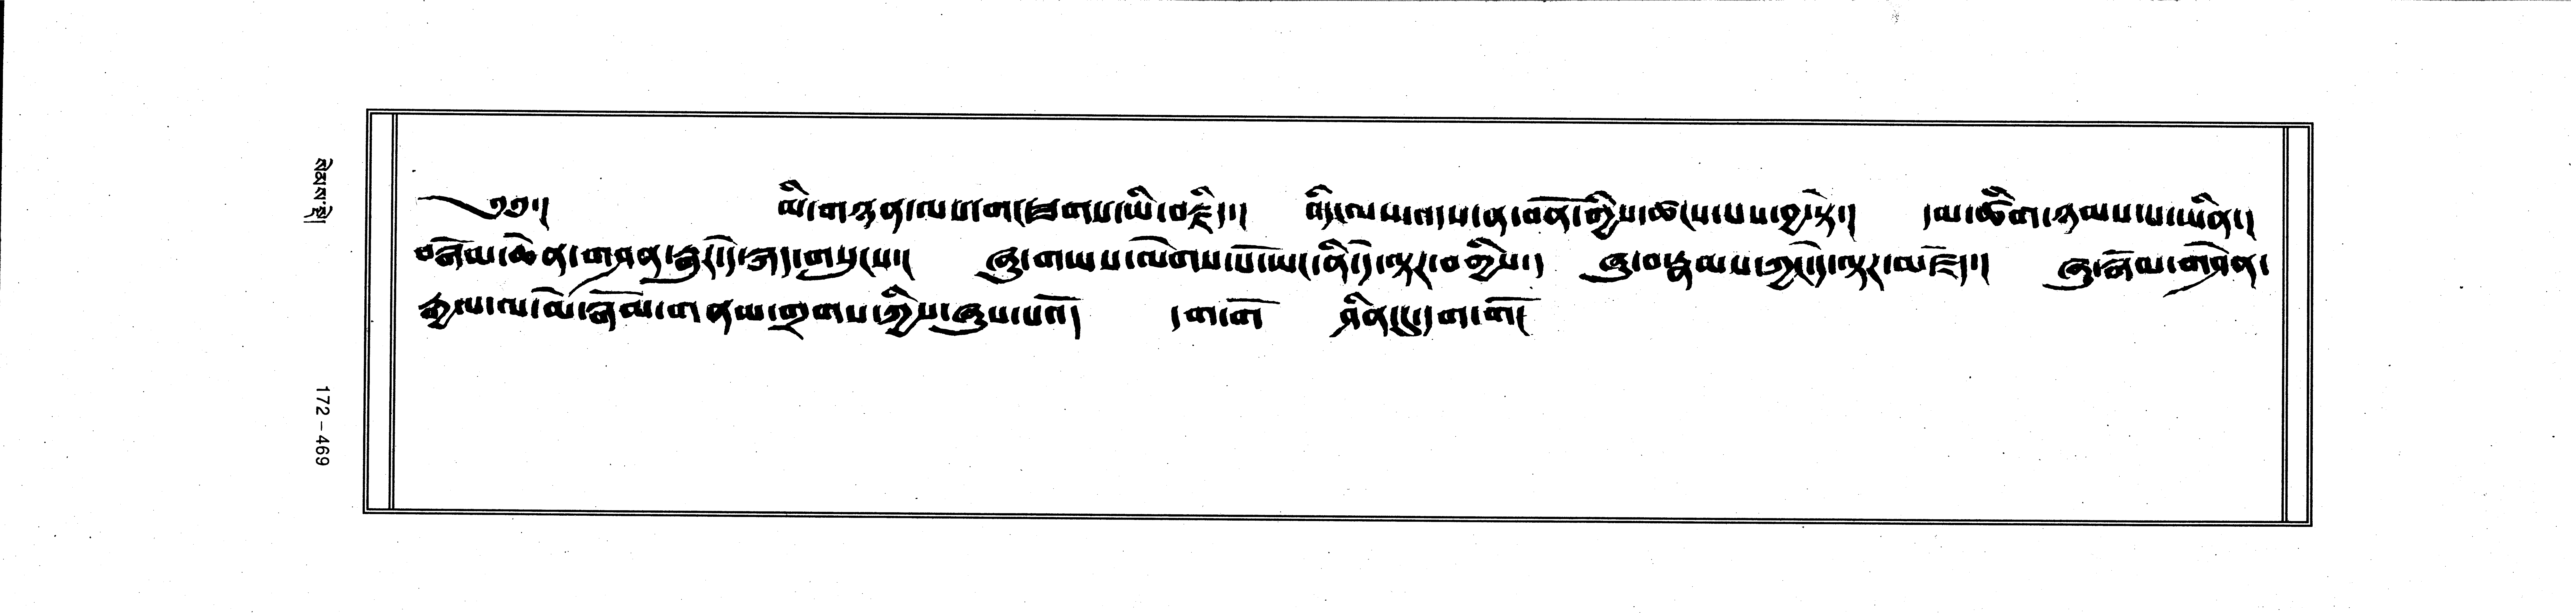མི་གཉན་ལས་གང་ཟགས་ཡི་བརྗིད། འདི་ལས་འདས་ན་བོན་གྱིས་ཚངས་པས་བྱ་སྟེ། དམ་ཚིགས་ཉམས་པ་ཡིན། 
བསྒོམ་ཆེན་གཤན་རྒུར་དེ་སྐད་གསུངས། ཞུ་གཡས་ལེགས་པོ་ཡང་ནི་དེ་ལྟར་བགྱིས། ཞུ་བ་རྣམས་ཀྱང་དེ་ལྟར་མཛོད། ཞུ་སྒོམ་གཤེན་
རྒྱལ་ལ་མེ་སྒོམ་གནམ་གྲགས་ཀྱིས་ཞུས་པའོ། དག་གོ་ ཤིན་དུ་དག་གོ།